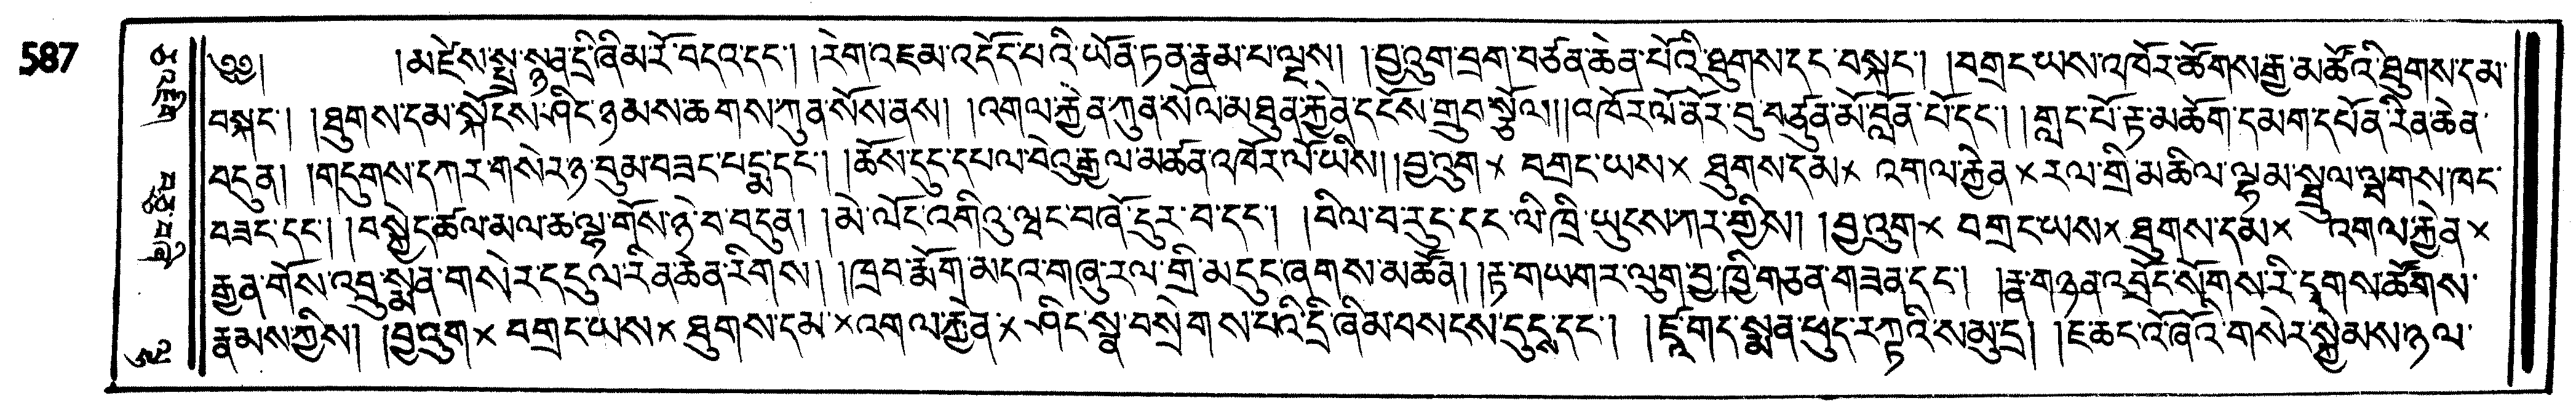༄༅། །མཛེས་སྤྲ་སྙན་དྲི་ཞིམ་རོ་བདའ་དང་། །རེག་འཇམ་འདོད་པའི་ཡོན་ཏན་རྣམ་པ་ལྔས། །བྱ་འུག་བྲག་བཙན་ཆེན་པོའི་ཐུགས་དང་བསྐང་། །བགྲང་ཡས་འཁོར་ཚོགས་རྒྱ་མཚོའི་ཐུགས་དམ་
བསྐང་། །ཐུགས་དམ་སྐོངས་ཤིང་ཉམས་ཆགས་ཀུན་སོས་ནས། །འགལ་རྐྱེན་ཀུན་སོལ་མཐུན་རྐྱེན་དངོས་གྲུབ་སྩོལ། །འཁོར་ལོ་ནོར་བུ་བཙུན་མོ་བློན་པོ་དང་། །གླང་པོ་རྟ་མཆོག་དམག་དཔོན་རིན་ཆེན་
བདུན། །གདུགས་དཀར་གསེར་ཉ་བུམ་བཟང་པདམ་དང་། །ཆོས་དུང་དཔལ་བེའུ་རྒྱལ་མཚན་འཁོར་ལོ་ཡིས། །བྱ་འུག་྾་བགྲང་ཡས་྾་ཐུགས་དམ་྾་འགལ་རྐྱེན་྾་རལ་གྲི་མཆིལ་ལྷམ་སྦྲུལ་ལྦགས་ཁང་
བཟང་དང་། །བསྐྱེད་ཚལ་མལ་ཆ་ལྷ་གོས་ཉེ་བ་བདུན། །མེ་ལོང་འགིའུ་ཝང་བཞོ་དུར་བ་དང་། །བིལ་བ་རུང་དང་ལི་ཁྲི་ཡུངས་ཀར་གྱིས། །བྱ་འུག་྾་བགྲང་ཡས་྾་ཐུགས་དམ་྾་འགལ་རྐྱེན་྾་
རྒྱན་གོས་འབྲུ་སྨན་གསེར་དངུལ་རིན་ཆེན་རིགས། །ཁྲབ་རྨོག་མདའ་གཞུ་རལ་གྲི་མདུང་ཞགས་མཚོན། །རྟ་གཡག་ལུག་བྱ་ཁྱི་གཅན་གཟན་དང་། །རྣ་གཉན་འབྲོང་སོགས་རི་དགས་ཚོགས་
རྣམས་ཀྱིས། །བྱ་འུག་྾་བགྲང་ཡས་྾་ཐུགས་དམ་྾་འགལ་རྐྱེན་྾་ཤིང་སྣ་བསྲེགས་པའི་དྲི་ཞིམ་བསངས་དུངས་དང་། །ཛཱ་གད་སྨན་ཕུད་རཀྟཱི་སམུ་དྲ། །ཇ་ཆང་འོ་ཞོའི་གསེར་སྐྱེམས་ཉལ་